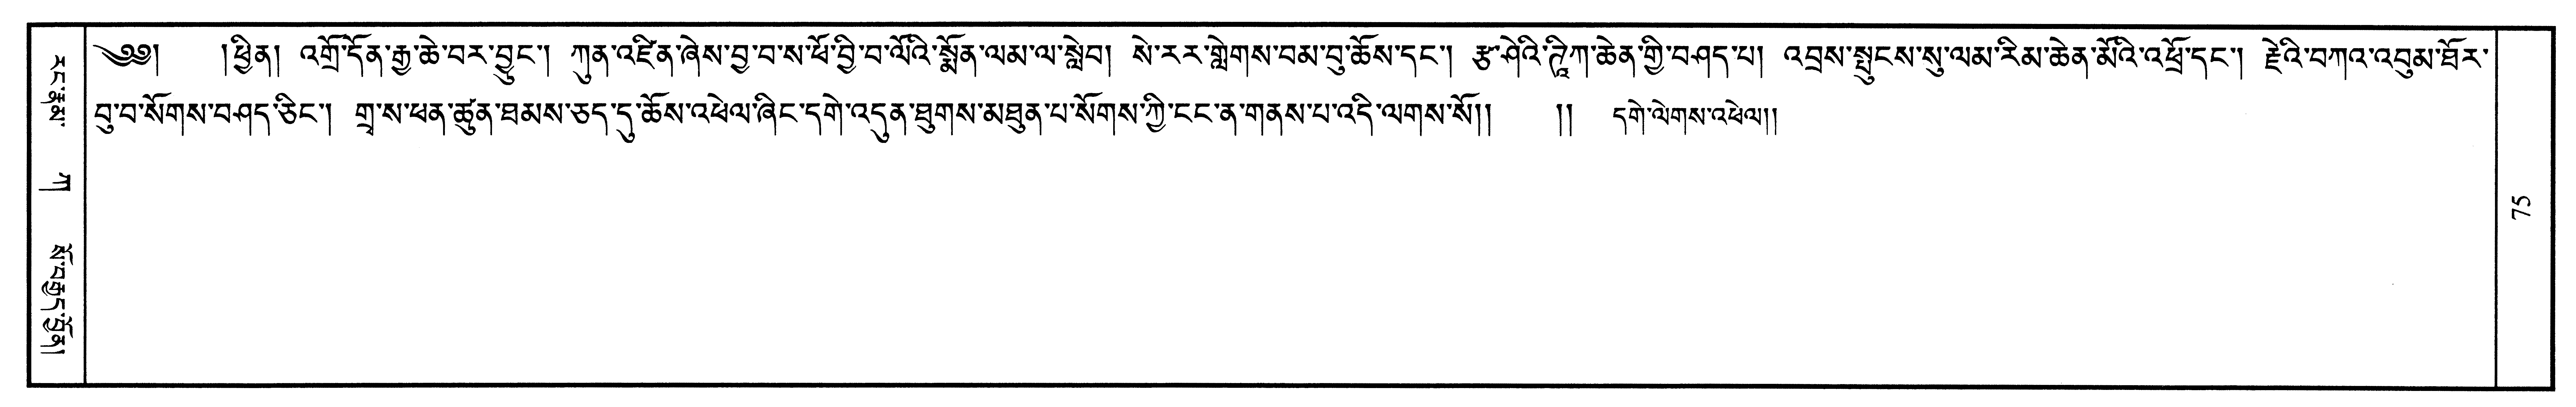༄༅། །ཕྱིན། འགྲོ་དོན་རྒྱ་ཆེ་བར་བྱུང་། ཀུན་འཛིན་ཞེས་བྱ་བ་ས་ཕོ་བྱི་བ་ལོའི་སྨོན་ལམ་ལ་སླེབ། སེ་རར་གླེགས་བམ་བུ་ཆོས་དང་། རྩ་ཤེའི་ཊཱིཀ་ཆེན་གྱི་བཤད་པ། འབྲས་སྤུངས་སུ་ལམ་རིམ་ཆེན་མོའི་འཕྲོ་དང་། རྗེའི་བཀའ་འབུམ་ཐོར་
བུ་བ་སོགས་བཤད་ཅིང་། གྲྭ་ས་ཕན་ཚུན་ཐམས་ཅད་དུ་ཆོས་འཕེལ་ཞིང་དགེ་འདུན་ཐུགས་མཐུན་པ་སོགས་ཀྱི་ངང་ན་གནས་པ་འདི་ལགས་སོ།། །།དགེ་ལེགས་འཕེལ།།